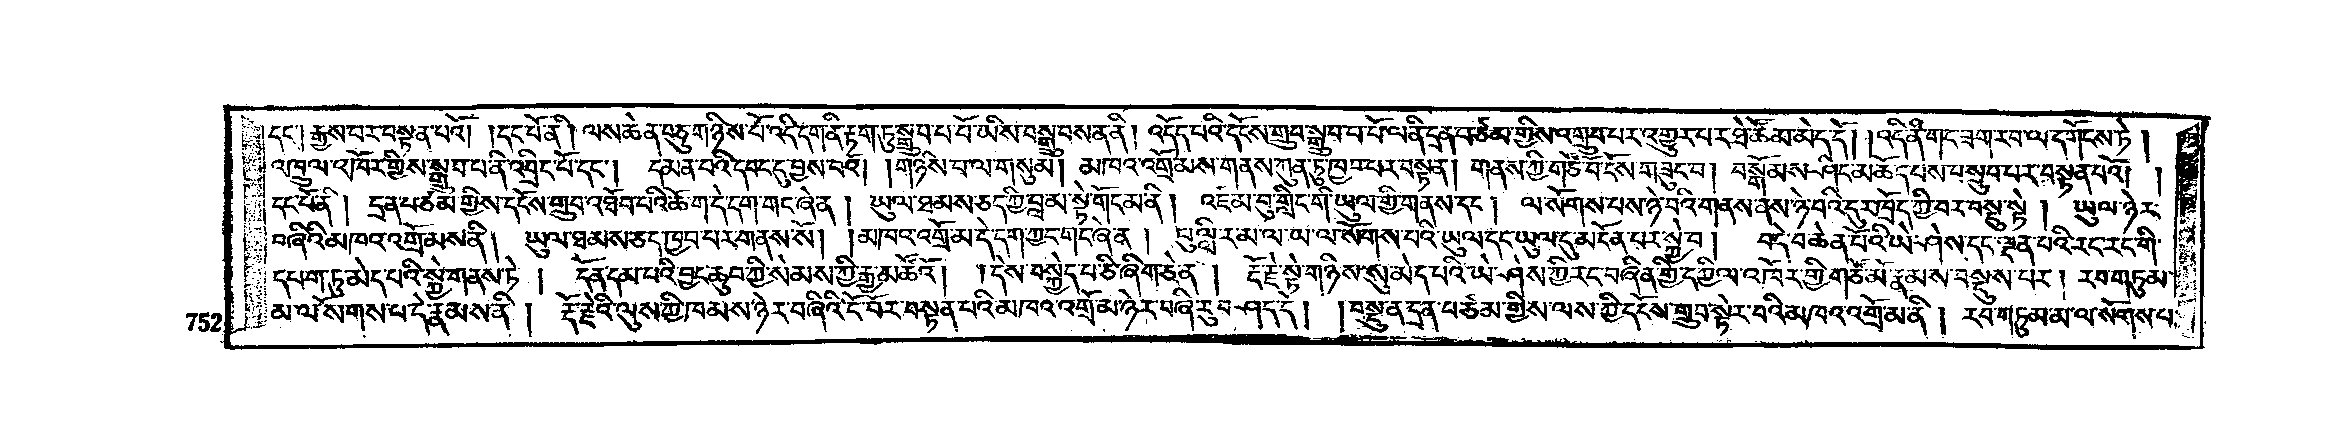དང་། རྒྱས་པར་བསྟན་པའོ། །དང་པོ་ནི། ལས་ཆེན་བཅུ་གཉིས་པོ་འདི་དག་ནི་རྟག་ཏུ་སྒྲུབ་པ་པོ་ཡིས་བསྒྲུབས་ན་ནི། འདོད་པའི་དངོས་གྲུབ་སྒྲུབ་པ་པོ་ལ་ནི་དྲན་པ་ཙམ་གྱིས་འགྲུབ་པར་འགྱུར་པར་ཐེ་ཚོམ་མེད་དོ། །འདི་ནི་གང་ཟག་རབ་ལ་དགོངས་ཏེ།
འཁྲུལ་འཁོར་གྱིས་སྒྲུབ་པ་ནི་འབྲིང་པོ་དང་། དམན་པའི་དབང་དུ་བྱས་པའོ། །གཉིས་པ་ལ་གསུམ། མཁའ་འགྲོ་མས་གནས་ཀུན་ཏུ་ཁྱབ་པར་བསྟན། གནས་ཀྱི་གཙོ་བོ་ངོས་གཟུང་བ། བསྒོམས་ཤིང་མཆོད་པས་བསྲུབ་པར་བསྟན་པའོ། །
དང་པོ་ནི། དྲན་པ་ཙམ་གྱིས་དངོས་གྲུབ་འཐོབ་པའི་ཆོ་ག་དེ་དག་གང་ཞེ་ན། ཡུལ་ཐམས་ཅད་ཀྱི་བླ་མ་སྟེ་གོང་མ་ནི། འཛམ་བུ་གླིང་གི་ཡུལ་གྱི་གནས་དང་། ལ་སོགས་པས་ཉེ་བའི་གནས་ནས་ཉེ་བའི་དུར་ཁྲོད་ཀྱི་བར་བསྡུ་སྟེ། ཡུལ་ཉེར་
བཞིའི་མཁའ་འགྲོ་མས་ནི། ཡུལ་ཐམས་ཅད་ཁྱབ་པར་གནས་སོ། །མཁའ་འགྲོ་མ་དེ་དག་ཀྱང་གང་ཞེ་ན། པུལླི་ར་མ་ལ་ཡ་ལ་སོགས་པའི་ཡུལ་དང་ཡུལ་དུ་མངོན་པར་སྐྱེ་བ། བདེ་བ་ཆེན་པོའི་ཡེ་ཤེས་དང་ལྡན་པའི་རང་རང་གི་
དཔག་ཏུ་མེད་པའི་སྐྱེ་གནས་ཏེ། དོན་དམ་པའི་བྱང་ཆུབ་ཀྱི་སེམས་ཀྱི་རྒྱ་མཚོའོ། །དེས་བསྐྱེད་པ་ཅི་ཞིག་ཅེ་ན། རྡོ་རྗེ་སྟེ་གཉིས་སུ་མེད་པའི་ཡེ་ཤེས་ཀྱི་རང་བཞིན་གྱི་དཀྱིལ་འཁོར་གྱི་གཙོ་མོ་རྣམས་བསྡུས་པར། རབ་གཏུམ་
མ་ལ་སོགས་པ་དེ་རྣམས་ནི། རྡོ་རྗེའི་ལུས་ཀྱི་ཁམས་ཉེར་བཞིའི་ངོ་བོར་བསྟན་པའི་མཁའ་འགྲོ་མ་ཉེ་བཞི་རུ་བཤད་དེ། །བསྡུ་ན་དྲན་པ་ཙམ་གྱིས་ལས་ཀྱི་དངོས་གྲུབ་སྟེར་བའི་མཁའ་འགྲོ་མ་ནི། རབ་གཏུམ་མ་ལ་སོགས་པ་